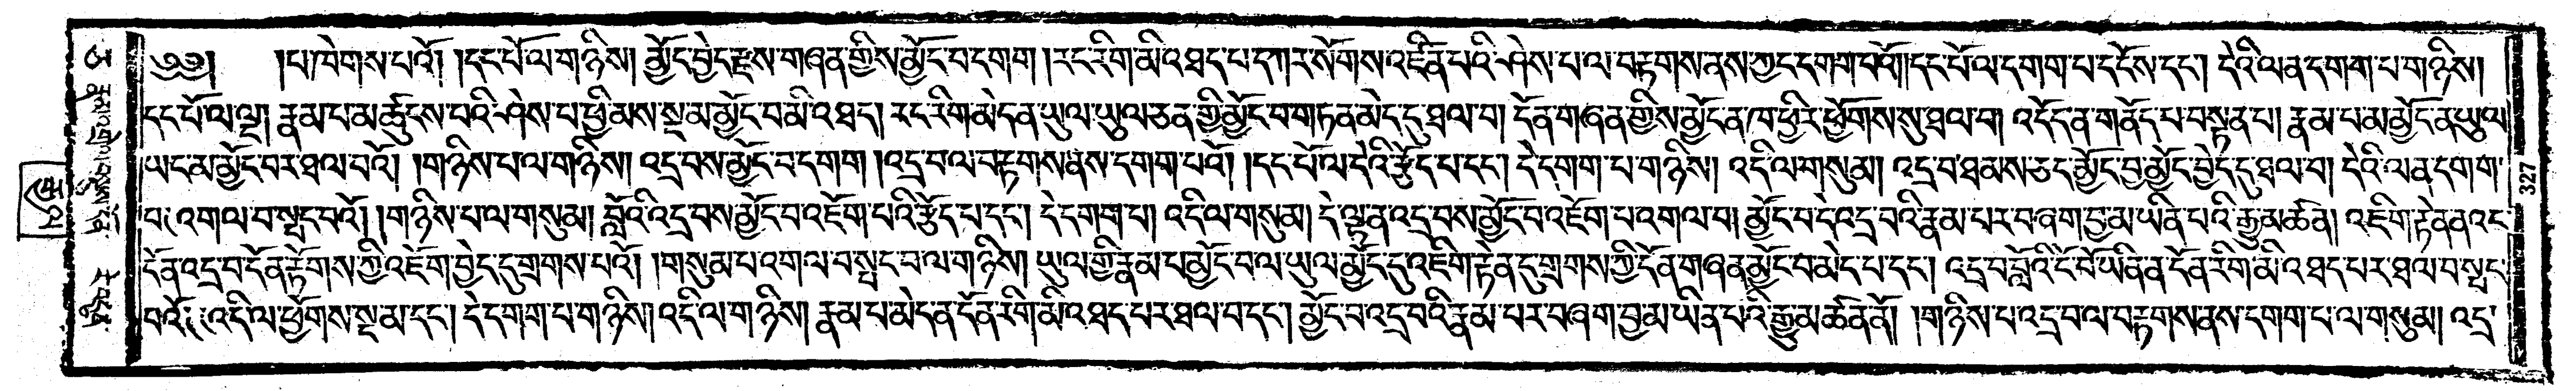༄༅། །པ་ཁེགས་པའོ། །དང་པོ་ལ་གཉིས། མྱོང་བྱེད་རྫས་གཞན་གྱིས་མྱོང་བ་དགག །རང་རིག་མི་འཐད་པ་དཀར་སོགས་འཛིན་པའི་ཤེས་པ་ལ་བརྟགས་ནས་ཀྱང་དགག་པའོ། །དང་པོ་ལ་དགག་པ་དངོས་དང་། དེའི་ལན་དགག་པ་གཉིས།
དང་པོ་ལ་ལྔ། རྣམ་པ་མཚུངས་པའི་ཤེས་པ་ཕྱི་མས་སྔ་མ་མྱོང་བ་མི་འཐད། རང་རིག་མེད་ན་ཡུལ་ཡུལ་ཅན་གྱི་མྱོང་བ་གཏན་མེད་དུ་ཐལ་བ། དོན་གཞན་གྱིས་མྱོང་ན་ཁ་ཕྱིར་ཕྱོགས་སུ་ཐལ་བ། འདོད་ན་གནོད་པ་བསྟན་པ། རྣམ་པ་མ་མྱོང་ན་ཡུལ་
ཡང་མ་མྱོང་བར་ཐལ་བའོ། །གཉིས་པ་ལ་གཉིས། འདྲ་བས་མྱོང་བ་དགག །འདྲ་བ་ལ་བརྟགས་ནས་དགག་པའོ། །དང་པོ་ལ་དེའི་རྩོད་པ་དང་། དེ་དགག་པ་གཉིས། འདི་ལ་གསུམ། འདྲ་བ་ཐམས་ཅད་མྱོང་བྱ་མྱོང་བྱེད་དུ་ཐལ་བ། དེའི་ལན་དགག་
པ། འགལ་བ་སྤང་བའོ། །གཉིས་པ་ལ་གསུམ། བློའི་འདྲ་བས་མྱོང་བ་འཇོག་པའི་རྩོད་པ་དང་། དེ་དགག་པ། འདི་ལ་གསུམ། དེ་ལྟ་ན་འདྲ་བས་མྱོང་བ་འཇོག་པ་འགལ་བ། མྱོང་བ་དེ་འདྲ་བའི་རྣམ་པར་བཞག་བྱ་མ་ཡིན་པའི་རྒྱུ་མཚན། འཇིག་རྟེན་ནའང་
དོན་འདྲ་བ་དོན་རྟོགས་ཀྱི་འཇོག་བྱེད་དུ་གྲགས་པའོ། །གསུམ་པ་འགལ་བ་སྤང་བ་ལ་གཉིས། ཡུལ་གྱི་རྣམ་པ་མྱོང་བ་ལ་ཡུལ་མྱོང་དུ་འཇིག་རྟེན་དུ་གྲགས་ཀྱི་དོན་གཞན་མྱོང་བ་མེད་པ་དང་། འདྲ་བ་བློའི་ངོ་བོ་ཡིན་ན་དོན་རིག་མི་འཐད་པར་ཐལ་བ་སྤང་
བའོ། །འདི་ལ་ཕྱོགས་སྔ་མ་དང་། དེ་དགག་པ་གཉིས། འདི་ལ་གཉིས། རྣམ་པ་མེད་ན་དོན་རིག་མི་འཐད་པར་ཐལ་བ་དང་། མྱོང་བ་འདྲ་བའི་རྣམ་པར་བཞག་བྱ་མ་ཡིན་པའི་རྒྱུ་མཚན་ནོ། །གཉིས་པ་འདྲ་བ་ལ་བརྟགས་ནས་དགག་པ་ལ་གསུམ། འདྲ་